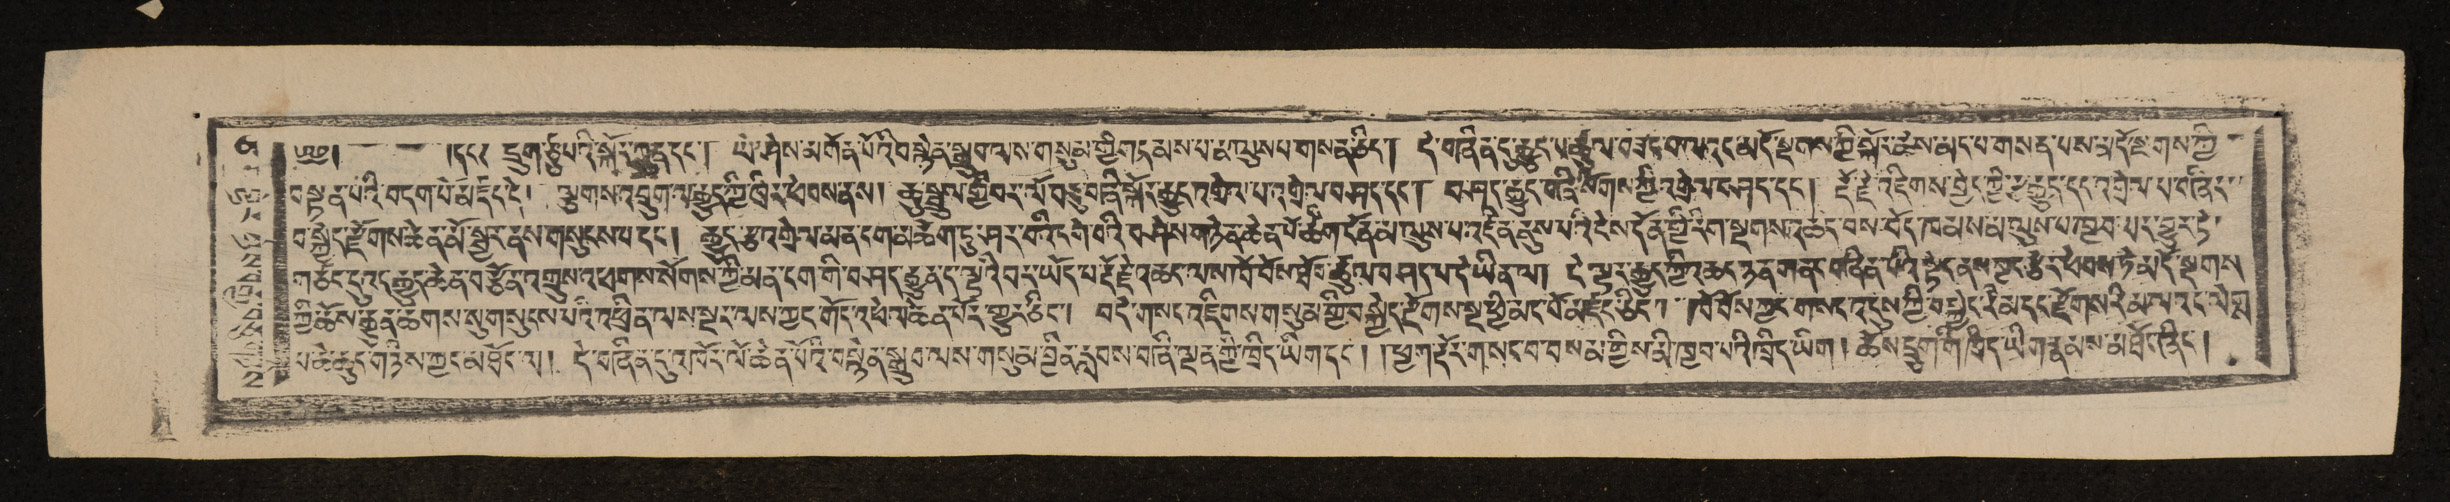༄༅། །དང༑ དྲུག་ཅུ་པའི་སྐོར་ཀུན་དང་། ཡེ་ཤེས་མགོན་པོའི་བསྙེན་སྒྲུབ་ལས་གསུམ་གྱི་གདམས་པ་མ་ལུས་པ་གསན་ཅིང་། དེ་བཞིན་དུ་རྒྱུད་པ་ཚུལ་བཟང་བ་ལའང་མདོ་སྔགས་ཀྱི་སྐོར་ཆེས་མང་བ་གསན་སས་མདོ་སྔགས་ཀྱི་
བསྟན་པའི་བདག་པོ་མཛད་དེ། ལྕགས་འབྲུག་ལ་རྒྱུད་ཀྱི་ཁྲིར་ཕེབས་ནས། ཆུ་སྤྲུལ་གྱི་བར་ལོ་བཅུ་བཞི་སྐོར་རྒྱུད་འགྲེལ་བ་འགྲེལ་བཤད་དང་། བཤད་རྒྱུད་བཞི་སོགས་ཀྱི་འགྲེལ་བཤད་དང་། རྡོ་རྗེ་འཇིགས་བྱེད་ཀྱི་རྩ་རྒྱུད་དང་འགྲེལ་པ་བཞིར་
བསྐྱེད་རྫོགས་ཆེན་མོ་སྦྱར་ནས་གསུངས་པ་དང་། རྒྱུད་རྩ་འགྲེལ་མན་ངག་མཆོག་ཏུ་ཤར་བའི་དགེ་བའི་ཕ་ཤེས་གཉེན་ཆན་པོ་ཚིག་དོན་མ་ལུས་པ་འཛིན་ནུས་པའི་ངེས་དོན་གྱི་རིག་སྔགས་འཆད་པས་བོད་ཁམས་མ་ལུས་པ་ཁྱབ་པར་གྱུར་ཏེ།
གཙང་དུའང་རྒྱུད་ཆེན་བརྩོན་འགྲུས་འཕགས་སོགས་ཀྱི་མན་ངག་གི་བཤད་རྒྱུན་ད་ལྟའི་བར་ཡོད་པ་རྡོ་རྗེ་འཆང་ལས་ཁོ་བོས་ཐོབ་ཚུལ་བཤད་པ་དེ་ཡིན་ལ། དེ་ལྟར་རྒྱུད་ཀྱི་འཆད་ཉན་གནང་བཞིན་པའི་སྟེང་ནས་བྱང་རྩེར་ཕེབས་ཏེ་མདོ་སྔགས་
ཀྱི་ཆོས་རྒྱུན་ཆགས་སུ་གསུངས་པའི་འཕྲིན་ལས་སྔར་ལས་ཀྱང་གོང་འཕེལ་ཆེན་པོར་གྱུར་ཅིང་། བདེ་གསང་འཇིགས་གསུམ་གྱི་བསྐྱེད་རྫོགས་སྔ་ཕྱི་མང་པོ་མཛད་ཅིང་། ཁོ་བོས་ཀྱང་གསང་འདུས་ཀྱི་བསྐྱེད་རིམ་དང་རྫོགས་རིམ་ལའང་ལེགས་
འཆེ་ཆུང་གཉིས་ཀྱང་མཐོང་ལ། དེ་བཞིན་དུ་འཁོར་ལོ་ཆེན་པོའི་བསྙེན་སྒྲུབ་ལས་གསུམ་བྱིན་རླབས་བཞི་ལྡན་གྱི་ཁྲིད་ཡིག་དང་། ཕྱག་རྡོར་གསང་བ་བསམ་གྱིས་མི་ཁྱབ་པའི་ཁྲིད་ཡིག། ཆོས་དྲུག་གི་ཁྲིད་ཡིག་རྣམས་མཐོང་ཞིང་།